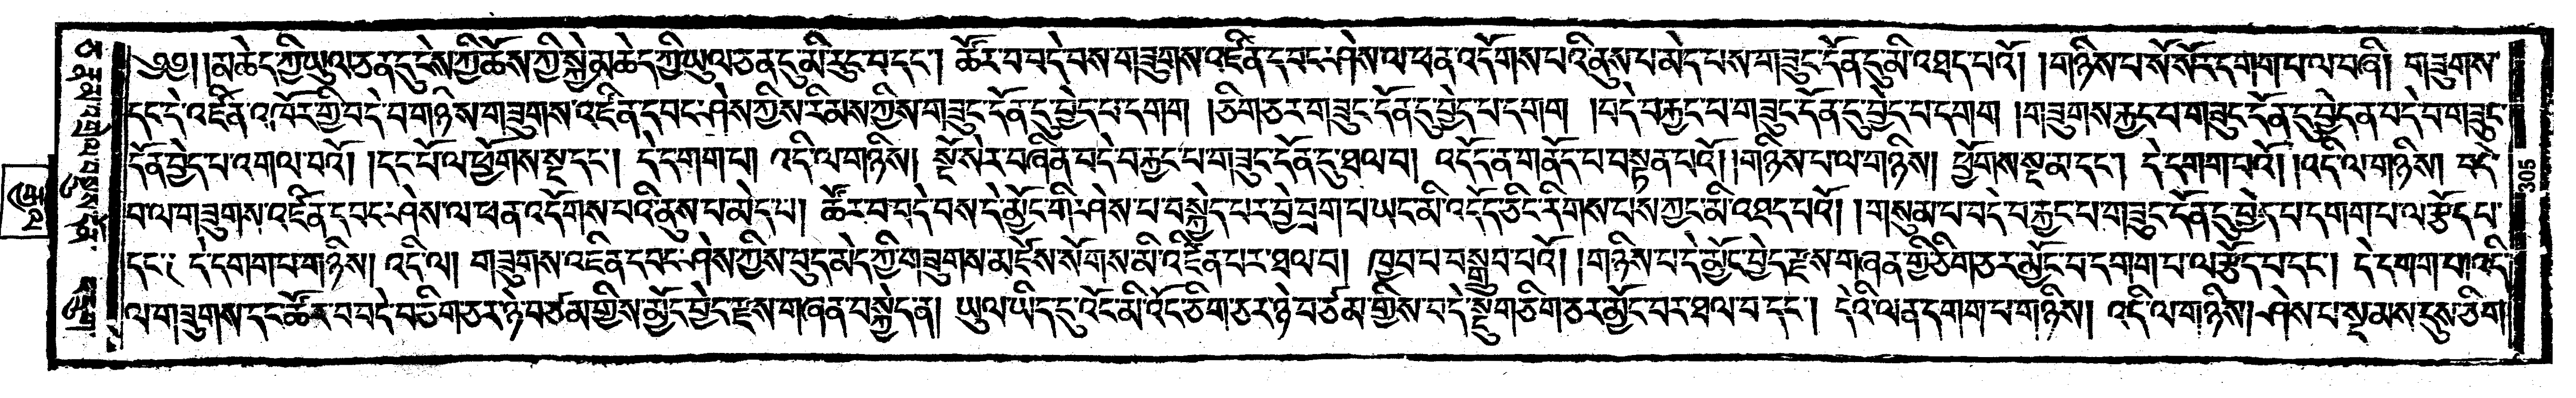༄༅། །མཆེད་ཀྱི་ཡུལ་ཅན་དུ་ངེས་ཀྱི་ཆོས་ཀྱི་སྐྱེ་མཆེད་ཀྱི་ཡུལ་ཅན་དུ་མི་རུང་བ་དང་། ཚོར་བ་བདེ་བས་གཟུགས་འཛིན་དབང་ཤེས་ལ་ཕན་འདོགས་པའི་ནུས་པ་མེད་པས་གཟུང་དོན་དུ་མི་འཐད་པའོ། །གཉིས་པ་སོ་སོར་དགག་པ་ལ་བཞི། གཟུགས་
དང་དེ་འཛིན་འཁོར་གྱི་བདེ་བ་གཉིས་གཟུགས་འཛིན་དབང་ཤེས་ཀྱིས་རིམས་ཀྱིས་གཟུང་དོན་དུ་བྱེད་པ་དགག །ཅིག་ཅར་གཟུང་དོན་དུ་བྱེད་པ་དགག །བདེ་བ་རྐྱང་པ་གཟུང་དོན་དུ་བྱེད་པ་དགག །གཟུགས་རྐྱང་པ་གཟུང་དོན་དུ་བྱེད་ན་བདེ་བ་གཟུང་
དོན་བྱེད་པ་འགལ་བའོ། །དང་པོ་ལ་ཕྱོགས་སྔ་དང་། དེ་དགག་པ། འདི་ལ་གཉིས། སྔོ་སེར་བཞིན་བདེ་བ་རྐྱང་པ་གཟུང་དོན་དུ་ཐལ་བ། འདོད་ན་གནོད་པ་བསྟན་པའོ། །གཉིས་པ་ལ་གཉིས། ཕྱོགས་སྔ་མ་དང་། དེ་དགག་པའོ། །འདི་ལ་གཉིས། བདེ་
བ་ལ་གཟུགས་འཛིན་དབང་ཤེས་ལ་ཕན་འདོགས་པའི་ནུས་པ་མེད་པ། ཚོར་བ་བདེ་བས་དེ་མྱོང་གི་ཤེས་པ་བསྐྱེད་པར་བྱེ་བྲག་པ་ཡང་མི་འདོད་ཅིང་རིགས་པས་ཀྱང་མི་འཐད་པའོ། །གསུམ་པ་བདེ་བ་རྐྱང་པ་གཟུང་དོན་དུ་བྱེད་པ་དགག་པ་ལ་རྩོད་པ་
དང་། དེ་དགག་པ་གཉིས། འདི་ལ། གཟུགས་འཛིན་དབང་ཤེས་ཀྱིས་བུད་མེད་ཀྱི་གཟུགས་མཛེས་སོགས་མི་འཛིན་པར་ཐལ་བ། ཁྱབ་པ་བསྒྲུབ་པའོ། །གཉིས་པ་དེ་མྱོང་བྱེད་རྫས་གཞན་གྱི་ཅིག་ཅར་མྱོང་བ་དགག་པ་ལ་རྩོད་པ་དང་། དེ་དགག་པ། འདི་
ལ་གཟུགས་དང་ཚོར་བ་བདེ་བ་ཅིག་ཅར་ཉེ་བ་ཙམ་གྱིས་མྱོང་བྱེད་རྫས་གཞན་བསྐྱེད་ན། ཡུལ་ཡིད་དུ་འོང་མི་འོང་ཅིག་ཅར་ཉེ་བ་ཙམ་གྱིས་བདེ་སྡུག་ཅིག་ཅར་མྱོང་བར་ཐལ་བ་དང་། དེའི་ལན་དགག་པ་གཉིས། འདི་ལ་གཉིས། ཤེས་པ་སྔ་མས་དུས་ཅིག་